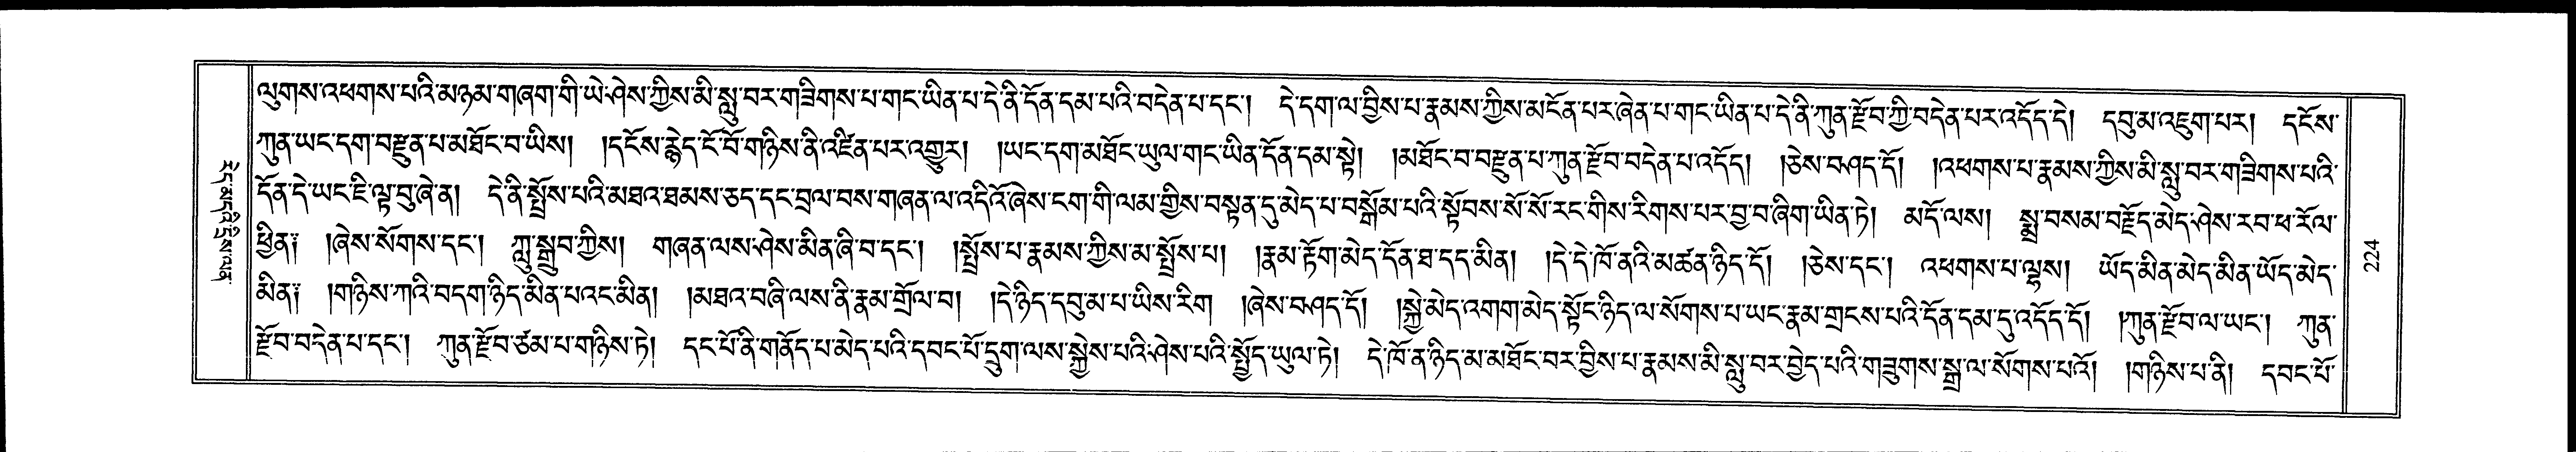ལུགས་འཕགས་པའི་མཉམ་གཞག་གི་ཡེ་ཤེས་ཀྱིས་མི་སླུ་བར་གཟིགས་པ་གང་ཡིན་པ་དེ་ནི་དོན་དམ་པའི་བདེན་པ་དང་། དེ་དག་ལ་བྱིས་པ་རྣམས་ཀྱིས་མངོན་པར་ཞེན་པ་གང་ཡིན་པ་དེ་ནི་ཀུན་རྫོབ་ཀྱི་བདེན་པར་འདོད་དེ། དབུ་མ་འཇུག་པར། དངོས་
ཀུན་ཡང་དག་བརྫུན་པ་མཐོང་བ་ཡིས། །དངོས་རྙེད་ངོ་བོ་གཉིས་ནི་འཛིན་པར་འགྱུར། །ཡང་དག་མཐོང་ཡུལ་གང་ཡིན་དོན་དམ་སྟེ། །མཐོང་བ་བརྫུན་པ་ཀུན་རྫོབ་བདེན་པ་འདོད། །ཅེས་བཤད་དོ། །འཕགས་པ་རྣམས་ཀྱིས་མི་སླུ་བར་གཟིགས་པའི་
དོན་དེ་ཡང་ཇི་ལྟ་བུ་ཞེ་ན། དེ་ནི་སྤྲོས་པའི་མཐའ་ཐམས་ཅད་དང་བྲལ་བས་གཞན་ལ་འདིའོ་ཞེས་ངག་གི་ལམ་གྱིས་བསྟན་དུ་མེད་པ་བསྒོམ་པའི་སྟོབས་སོ་སོ་རང་གིས་རིགས་པར་བྱ་བ་ཞིག་ཡིན་ཏེ། མདོ་ལས། སྨྲ་བསམ་བརྗོད་མེད་ཤེས་རབ་ཕ་རོལ་
ཕྱིན། །ཞེས་སོགས་དང་། ཀླུ་སྒྲུབ་ཀྱིས། གཞན་ལས་ཤེས་མིན་ཞི་བ་དང་། །སྤྲོས་པ་རྣམས་ཀྱིས་མ་སྤྲོས་པ། །རྣམ་རྟོག་མེད་དོན་ཐ་དད་མིན། །དེ་དེ་ཁོ་ནའི་མཚན་ཉིད་དོ། །ཅེས་དང་། འཕགས་པ་ལྷས། ཡོད་མིན་མེད་མིན་ཡོད་མེད་
མིན། །གཉིས་ཀའི་བདག་ཉིད་མིན་པའང་མིན། །མཐའ་བཞི་ལས་ནི་རྣམ་གྲོལ་བ། །དེ་ཉིད་དབུ་མ་པ་ཡིས་རིག །ཞེས་བཤད་དོ། །སྐྱེ་མེད་འགག་མེད་སྟོང་ཉིད་ལ་སོགས་པ་ཡང་རྣམ་གྲངས་པའི་དོན་དམ་དུ་འདོད་དོ། །ཀུན་རྫོབ་ལ་ཡང་། ཀུན་
རྫོབ་བདེན་པ་དང་། ཀུན་རྫོབ་ཙམ་པ་གཉིས་ཏེ། དང་པོ་ནི་གནོད་པ་མེད་པའི་དབང་པོ་དྲུག་ལས་སྐྱེས་པའི་ཤེས་པའི་སྤྱོད་ཡུལ་ཏེ། དེ་ཁོ་ན་ཉིད་མ་མཐོང་བར་བྱིས་པ་རྣམས་མི་སླུ་བར་བྱེད་པའི་གཟུགས་སྒྲ་ལ་སོགས་པའོ། །གཉིས་པ་ནི། དབང་པོ་